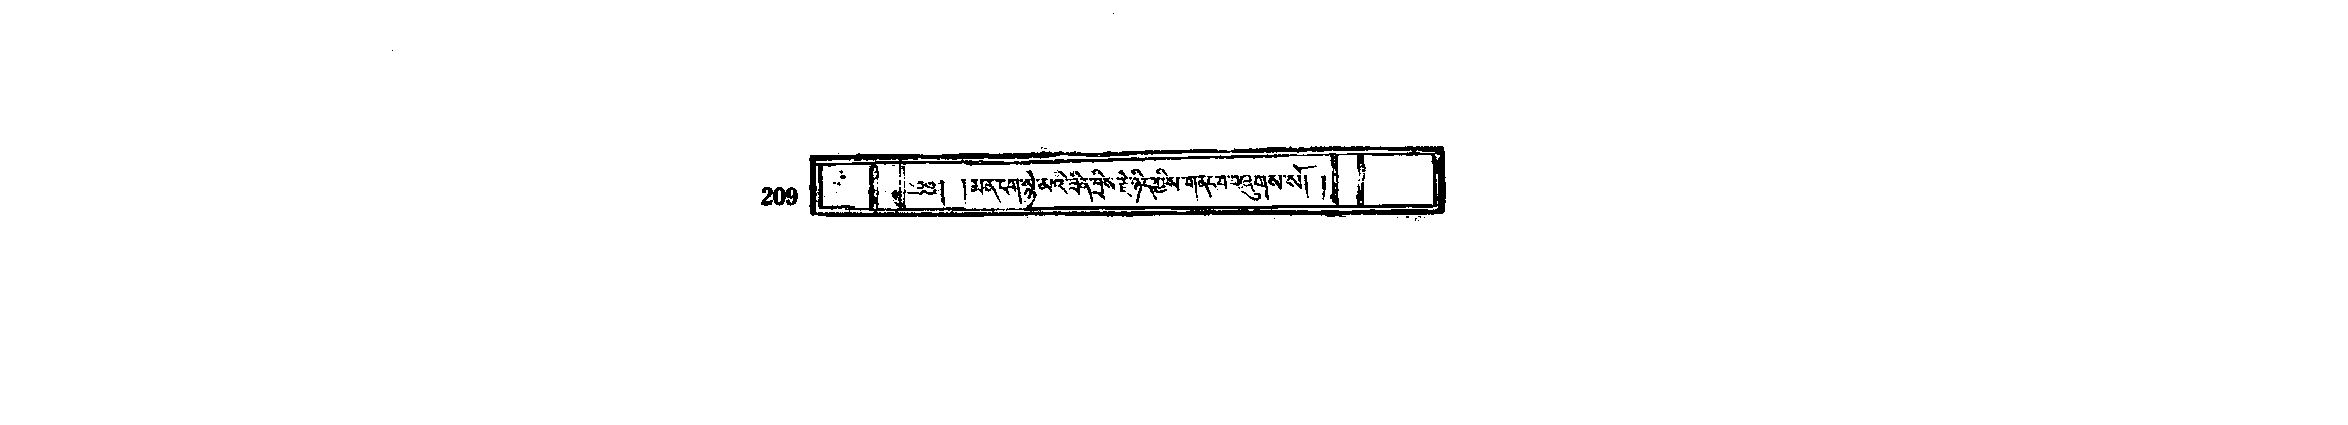༄༅། །མན་ངག་སྙེ་མའི་ཟིན་བྲིས་རྗེ་ཉིད་ཀྱིས་གནང་བ་བཞུགས་སོ། །